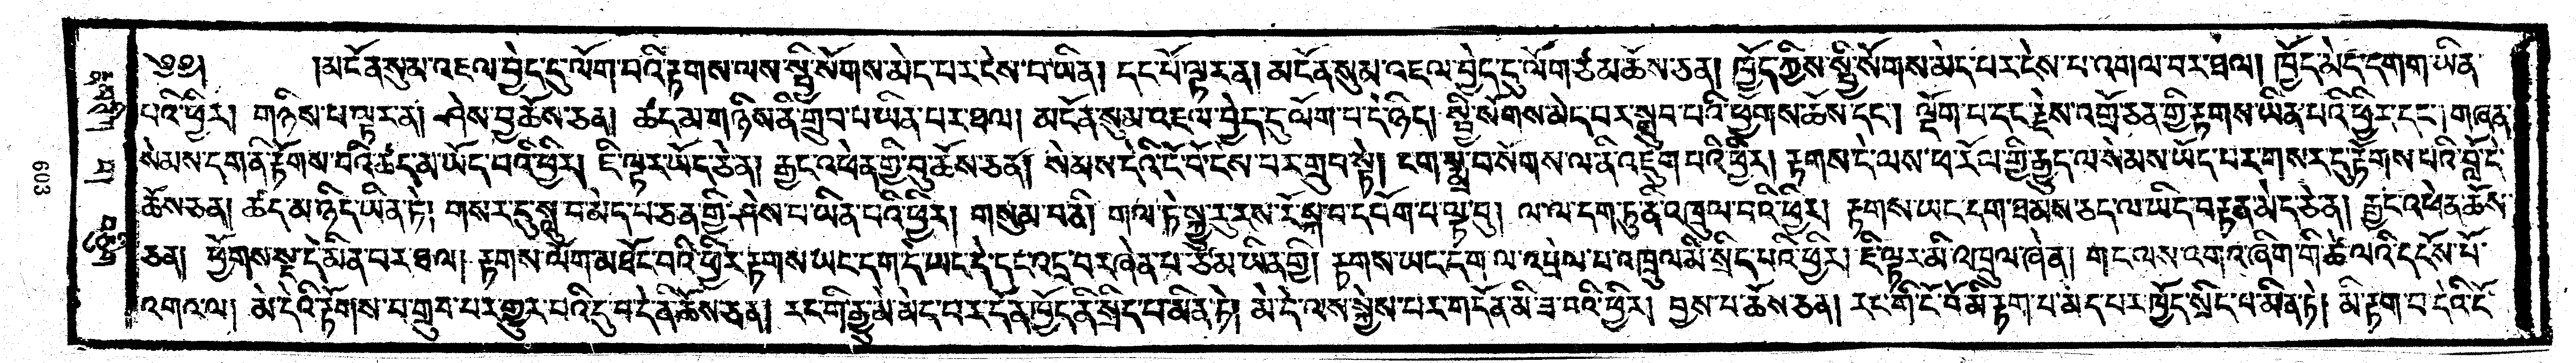༄༅། །མངོན་སུམ་འཇལ་བྱེད་དུ་ལོག་པའི་རྟགས་ལས་སྤྱི་སོགས་མེད་པར་ངེས་པ་ཡིན། དང་པོ་ལྟར་ན། མངོན་སུམ་འཇལ་བྱེད་དུ་ལོག་ཙམ་ཆོས་ཅན། ཁྱོད་ཀྱིས་སྤྱི་སོགས་མེད་པར་ངེས་པ་འགལ་བར་ཐལ། ཁྱོད་མེད་དགག་ཡིན་
པའི་ཕྱིར། གཉིས་པ་ལྟར་ན། ཤེས་བྱ་ཆོས་ཅན། ཚད་མ་གཉིས་ནི་གྲུབ་པ་ཡིན་པར་ཐལ། མངོན་སུམ་འཇལ་བྱེད་དུ་ལོག་པ་དེ་ཉིད། སྤྱི་སོགས་མེད་པར་སྒྲུབ་པའི་ཕྱོགས་ཆོས་དང་། ལྡོག་པ་དང་རྗེས་འགྲོ་ཅན་གྱི་རྟགས་ཡིན་པའི་ཕྱིར་དང་། གཞན་
སེམས་དག་ནི་རྟོགས་པའི་ཚད་མ་ཡོད་པའི་ཕྱིར། ཇི་ལྟར་ཡོད་ཅེ་ན། རྒྱང་འཕེན་གྱི་བུ་ཆོས་ཅན། སེམས་དེའི་ངོ་བོ་ངེས་པར་གྲུབ་སྟེ། ངག་སྨྲ་བ་སོགས་ལ་ནི་འཇུག་པའི་ཕྱིར། རྟགས་དེ་ལས་ཕ་རོལ་གྱི་རྒྱུད་ལ་སེམས་ཡོད་པར་གསར་དུ་རྟོགས་པའི་བློ་དེ་
ཆོས་ཅན། ཚད་མ་ཉིད་ཡིན་ཏེ། གསར་དུ་སླུ་བ་མེད་པ་ཅན་གྱི་ཤེས་པ་ཡིན་པའི་ཕྱིར། གསུམ་པ་ནི། གལ་ཏེ་སྐྱུ་རུ་རས་རོ་སྐ་བ་དཔོག་པ་ལྟ་བུ། ལ་ལ་དག་ཏུ་ནི་འཁྲུལ་བའི་ཕྱིར། རྟགས་ཡང་དག་ཐམས་ཅད་ལ་ཡིད་བརྟན་མེད་ཅེ་ན། རྒྱང་འཕེན་ཆོས་
ཅན། ཕྱོགས་སྔ་དེ་མིན་པར་ཐལ། རྟགས་ལོག་མཐོང་བའི་ཕྱིར་རྟགས་ཡང་དག་དེ་ཡང་དེ་དང་འདྲ་བར་ཞེན་པ་ཙམ་ཡིན་གྱི། རྟགས་ཡང་དག་ལ་འབྲེལ་བ་འཁྲུལ་མི་སྲིད་པའི་ཕྱིར། ཇི་ལྟར་མི་འཁྲུལ་ཞེ་ན། གང་ལས་འགའ་ཞིག་གི་ཚེ་ལའི་དངོས་པོ་
འགའ་ལ། མེ་དེའི་རྟོགས་པ་གྲུབ་པར་གྱུར་པའི་དུ་བ་དེ་ནི་ཆོས་ཅན། རང་གི་རྒྱུ་མེ་མེད་པར་དོན་ཁྱོད་ནི་སྲིད་པ་མིན་ཏེ། མེ་དེ་ལས་སྐྱེས་པར་གདོན་མི་ཟ་བའི་ཕྱིར། བྱས་པ་ཆོས་ཅན། རང་གི་ངོ་བོ་མི་རྟག་པ་མེད་པར་ཁྱོད་སྲིད་པ་མིན་ཏེ། མི་རྟག་པ་དེའི་ངོ་